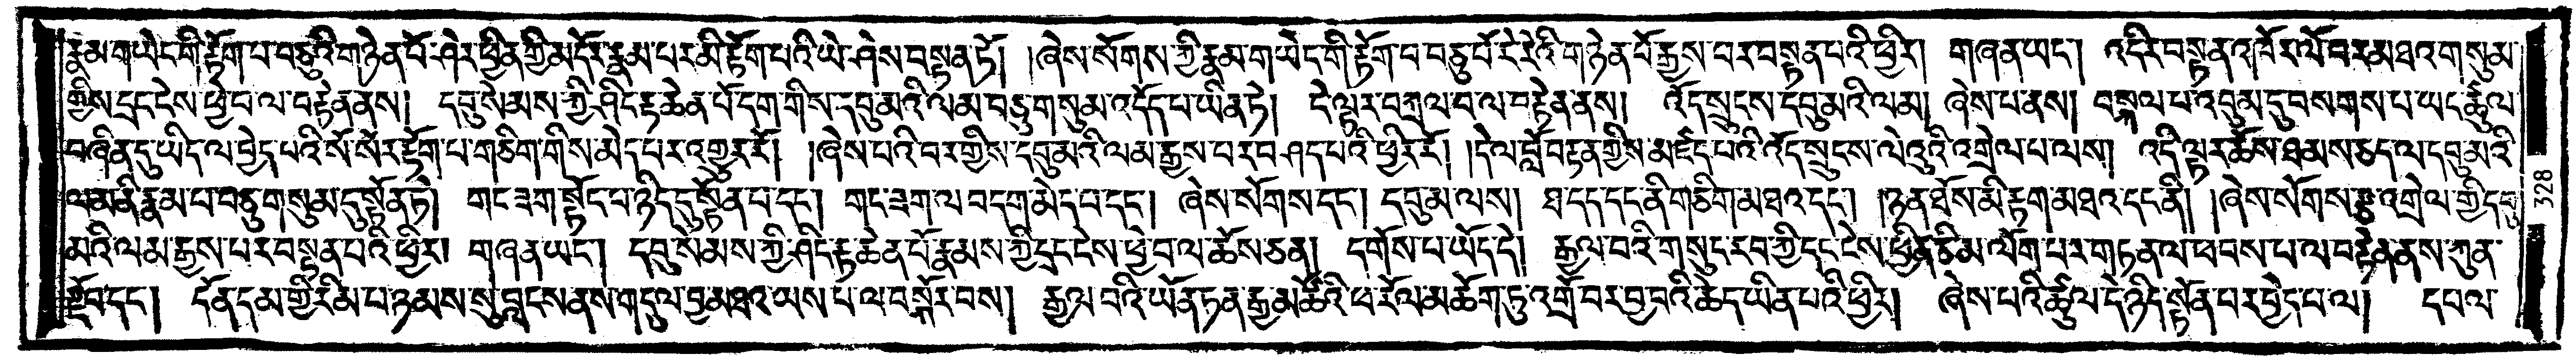རྣམ་གཡེང་གི་རྟོག་པ་བཅུའི་གཉེན་པོ་ཤེར་ཕྱིན་གྱི་མདོར་རྣམ་པར་མི་རྟོག་པའི་ཡེ་ཤེས་བསྟན་ཏོ། །ཞེས་སོགས་ཀྱི་རྣམ་གཡེང་གི་རྟོག་པ་བཅུ་པོ་རེ་རེའི་གཉེན་པོ་རྒྱས་པར་བསྟན་པའི་ཕྱིར། གཞན་ཡང་། འདིར་བསྟན་འཁོར་ལོ་བར་མཐའ་གསུམ་
གྱིས་དྲང་ངེས་ཕྱེ་བ་ལ་བརྟེན་ནས། དབུ་སེམས་ཀྱི་ཤིང་རྟ་ཆེན་པོ་དག་གིས་དབུ་མའི་ལམ་བཅུ་གསུམ་འདོད་པ་ཡིན་ཏེ། དེ་ལྟར་བཀྲལ་བ་ལ་བརྟེན་ནས། འོད་སྲུངས་དབུ་མའི་ལམ། ཞེས་པ་ནས། བསྐལ་པ་འབུམ་དུ་བསགས་པ་ཡང་ཚུལ་
བཞིན་དུ་ཡིད་ལ་བྱེད་པའི་སོ་སོར་རྟོག་པ་གཅིག་གིས་མེད་པར་འགྱུར་རོ། །ཞེས་པའི་བར་གྱིས་དབུ་མའི་ལམ་རྒྱས་པར་བཤད་པའི་ཕྱིར་རོ། །དེ་ལ་བློ་བརྟན་གྱིས་མཛད་པའི་འོད་སྲུངས་ལེའུའི་འགྲེལ་པ་ལས། འདི་ལྟར་ཆོས་ཐམས་ཅད་ལ་དབུ་མའི་
ལམ་ནི་རྣམ་པ་བཅུ་གསུམ་དུ་སྟོན་ཏེ། གང་ཟག་སྟོང་པ་ཉིད་དུ་སྟོན་པ་དང་། གང་ཟག་ལ་བདག་མེད་པ་དང་། ཞེས་སོགས་དང་། དབུ་མ་ལས། ཐ་དད་དང་ནི་གཅིག་མཐའ་དང་། །ཉན་ཐོས་མི་རྟག་མཐའ་དང་ནི། །ཞེས་སོགས་རྩ་འགྲེལ་གྱི་དབུ་
མའི་ལམ་རྒྱས་པར་བསྟན་པའི་ཕྱིར། གཞན་ཡང་། དབུ་སེམས་ཀྱི་ཤིང་རྟ་ཆེན་པོ་རྣམས་ཀྱི་དྲང་ངེས་ཕྱེ་བ་ལ་ཆོས་ཅན། དགོས་པ་ཡོད་དེ། རྒྱལ་བའི་གསུང་རབ་ཀྱི་དང་ངེས་ཕྱིན་ཅི་མ་ལོག་པར་གཏན་ལ་ཕབས་པ་ལ་བརྟེན་ནས་ཀུན་
རྫོབ་དང་། དོན་དམ་གྱི་རིམ་པ་ཉམས་སུ་བླངས་ནས་གདུལ་བྱ་མཐའ་ཡས་པ་ལ་བསྐོར་བས། རྒྱལ་བའི་ཡོན་ཏན་རྒྱ་མཚོའི་ཕ་རོལ་མཆོག་ཏུ་འགྲོ་བར་བྱ་བའི་ཆེད་ཡིན་པའི་ཕྱིར། ཞེས་པའི་ཚུལ་དེ་ཉིད་སྟོན་པར་བྱེད་པ་ལ། དཔལ་